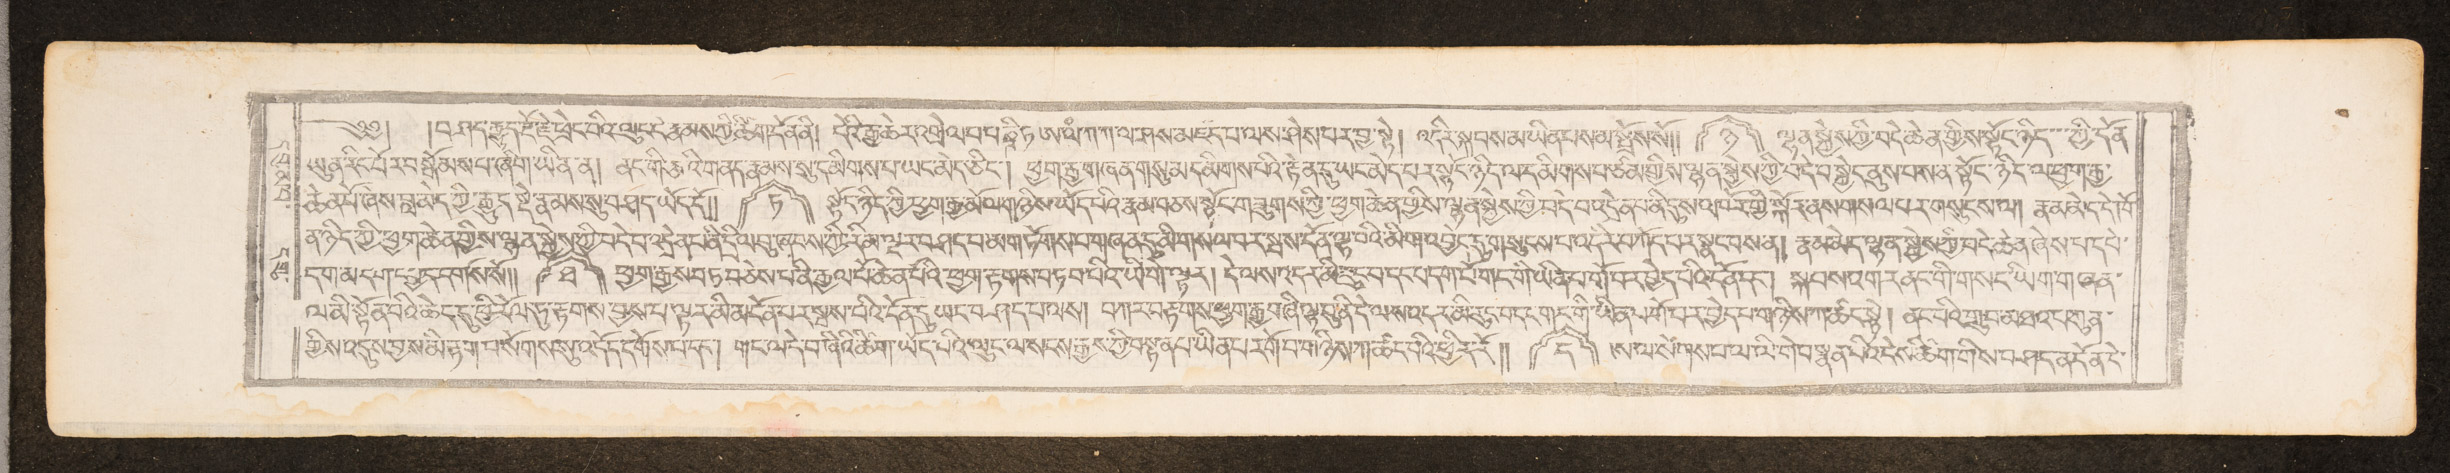༄༅། །བཤད་རྒྱུད་རྡོ་རྗེ་ཕྲེང་བའི་ལུང་དེ་རྣམས་ཀྱི་ཚིག་དོན་ནི། དེའི་རྒྱ་ཆེར་འགྲེལ་པ་པཎྜི་ཏ་ཨ་ཀཀ་ལ་ཤེས་མཛད་པ་ལས་ཤེས་པར་བྱ་སྟེ། འདིར་སྐབས་མ་ཡིན་པས་མ་སྤྲོས་སོ།། ༼༽ཉ༼༽ ལྷན་སྐྱེས་ཀྱི་བདེ་ཆེན་གྱིས་སྟོང་ཉིད་ཀྱི་དོན་
ཡུན་རིང་པོར་བསྒོམས་པ་ཞིག་ཡིན་ན། ནང་གི་རྩའི་གནད་རྣམས་སུ་དམིགས་པ་ཡང་མེད་ཅིང་། ཕྱག་རྒྱ་གཞན་གསུམ་དམིགས་པའི་རྟེན་དུ་ཡང་མེད་པར་སྟོང་ཉིད་ལ་དམིགས་པ་ཙམ་གྱིས་ལྷན་སྐྱེས་ཀྱི་བདེ་བ་སྐྱེད་ནུས་པས་ན་སྟོང་ཉིད་ལ་ཕྱག་རྒྱ་
ཆེན་པོ་ཞེས་བླ་མེད་ཀྱི་རྒྱུད་སྡེ་རྣམས་སུ་བཤད་ཡོད་དོ།། ༼༽ཏ༼༽ སྟོང་ཉིད་ཀྱི་ཕྱག་རྒྱ་མོ་ལ་གཉིས་ཡོད་པའི་རྣམ་བཅས་སྟོང་གཟུགས་ཀྱི་ཕྱག་ཆེན་གྱིས་ལྷན་སྐྱེས་ཀྱི་བདེ་བ་འདྲེན་པ་ནི་དུས་འཁོར་གྱི་སྐོར་ནས་གསལ་བར་གསུངས་ལ། རྣམ་མེད་དེ་ཁོ་
ན་ཉིད་ཀྱི་ཕྱག་ཆེན་གྱིས་ལྷན་སྐྱེས་ཀྱི་བདེ་བ་འདརན་པ་ནི་དྲིལ་བུ་ཞབས་ཀྱི་རིམ་ལྔར་བཤད་པ་མ་གཏོགས་པ་གཞན་དུ་མི་གསལ་བར་སྦས་དོན་ལྟ་བའི་མིག་འབྱེད་དུ་གསུངས་པ་འདིར་བཀོད་པར་སྣང་བས་ན། རྣམ་མེད་ལྷན་སྐྱེས་ཀྱི་བདེ་ཆེན་ཞེས་པ་དཔེ་
དག་མ་དག་དཔྱད་དགོས་སོ།། ༼༽ཐ༼༽ ཕྱག་རྒྱས་བཏབ་ཅེས་པ་ནི་རྒྱལ་པོ་ཆེན་པོའི་ཕྱག་རྟགས་བཏབ་པའི་ཡི་གེ་ལྟར། དེ་ལས་འདར་མི་རུང་བ་དང་བདག་པོ་གང་གི་ཡིན་པ་གོ་བར་བྱེད་པའི་དོན་དང་། སྐབས་འགར་ནགན་གི་གསང་ཡིག་གཞན་
ལ་མི་སྟོན་པའི་ཆེད་དུ་ཕྱིར་རོལ་ཏུ་རྟགས་བྱས་པ་ལྟར་མི་མངོན་པར་སྦས་པའི་དོན་དུ་ཡང་བཤད་པ་ལས། བཀར་བརྟགས་ཕྱག་རྒྱ་བཞི་ལྷ་བུ་ནི་དེ་ལས་འདར་མི་རུང་བདང་གང་གི་ཡིན་བགོ་བར་བྱེད་པ་གཉིས་ཀ་ཚང་སྟེ། ནང་པའི་གྲུབ་མཐའ་པ་ཀུན་
གྱིས་འདུས་བྱས་མི་རྟག་པ་སོགས་སུ་འདོད་དགོས་པ་དང་། གང་ལ་དེ་བཞིའི་ཚིག་ཡོད་པའི་ལུང་ལ་སངས་རྒྱས་ཀྱི་བསྟན་པ་ཡིན་པར་གོ་བ་གཉིས་ཀ་ཚང་པའི་ཕྱིར་རོ།། ༼༽ད༼༽ ཨ་ལ་སོགས་པ་ལ་ལི་གེ་བསྣན་པའི་ངེས་ཚིག་གིས་བཤད་ན་དོན་དེ་